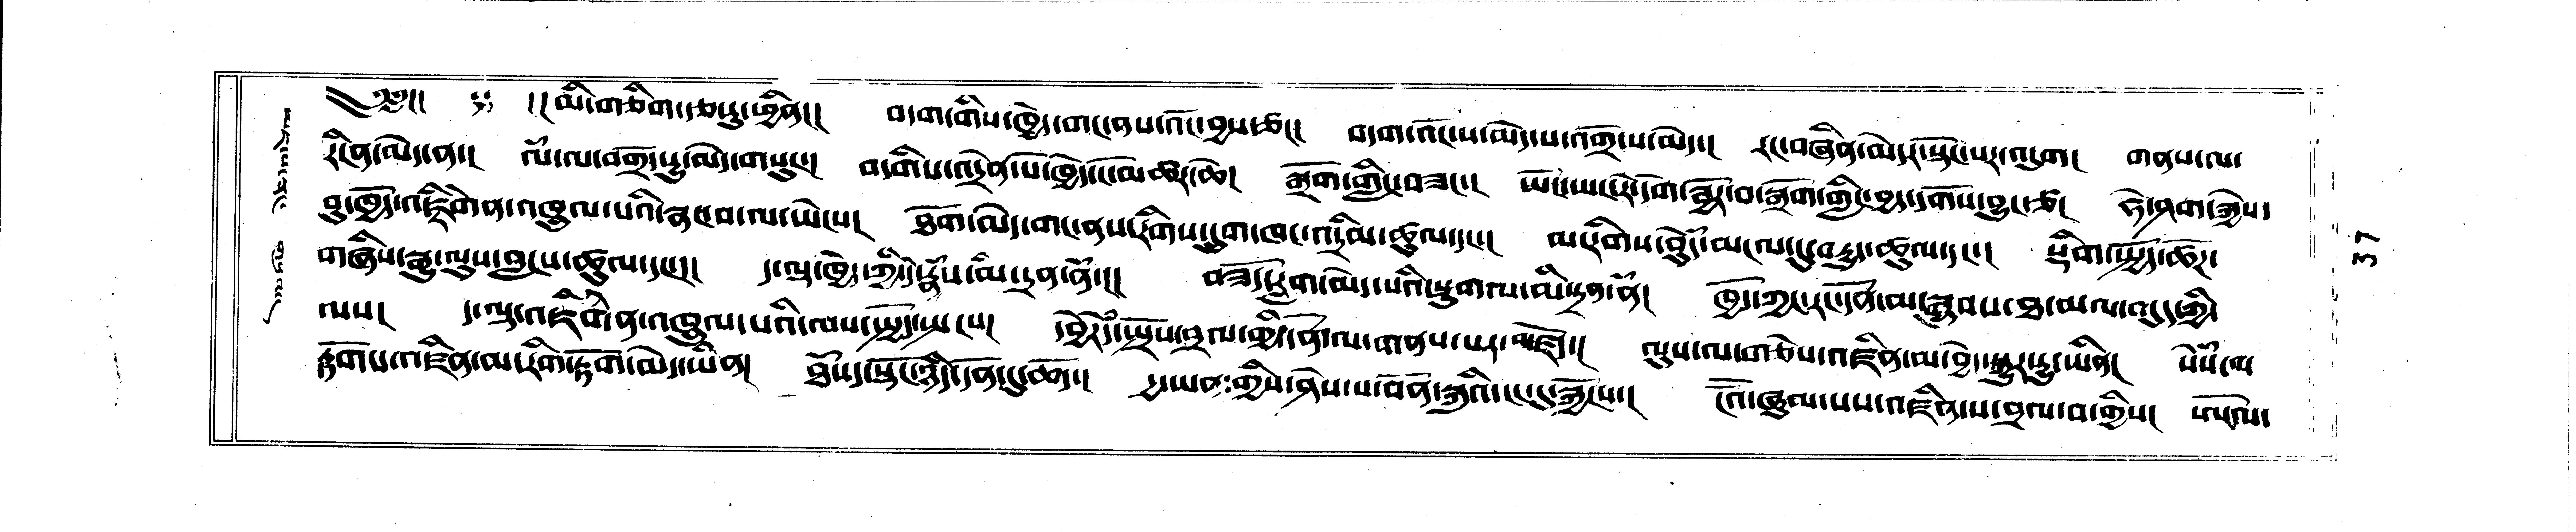མི་གཅིག་རྩ་རུ་ཕྱིན། བདག་གིས་ཁྱེད་གང་ནས་འོང་བྱས་ཙ། བདག་འོང་ས་མེད་པ་འགྲོ་ས་མེད། རང་བཞིན་མེད་པར་སྟོང་པར་འདུག གནས་ལ་
རང་བཞིན་མེད་ན། ལམ་ལ་འགྲོ་རྒྱུ་མེད་གསུང་། བདག་གིས་འདྲེན་པོ་ཁྱེད་ངོ་མཚར་ཆེ། སྒྲོག་གླེང་བཟང་། ཡོད་ཡང་རེ་དོག་སྦྱོར་བ་སྒྲོག་གླེང་བྱེད་དགོས་བྱུང་ཙ། ཧེ་ཤག་སྐྱེས་
བུ་ཁྱོད་འཇིག་རྟེན་འཁྲུལ་པའི་སྣང་བ་ལ་ཡེངས། ཐོག་མེད་གང་ནས་རིགས་དྲུག་ཁང་འགྲིམས་ཚུལ་དང་། མ་རིག་བུད་མེད་མངལ་དུ་བརྒྱུད་ཚུལ་དང་། སྡིག་སྤྱོད་ཚོགས་
གཞིས་སྒྱུ་ལུས་བླངས་ཚུལ་དང་། ད་ལྟ་ཁྱེད་ཀྱི་དེ་རྣམས་མི་དྲན་ནམ། བཟོད་བླགས་མེད་པའི་སྡུག་བསྔལ་མི་དྲན་ནམ། ཁྱོད་ཀྱང་རང་དོན་མ་བསྒྲུབས་ཐ་མལ་བདུད་ཀྱི་
ལས། ད་ལྟ་འཇིག་རྟེན་འཁྲུལ་པའི་ལས་སྤྱོད་སྤངས། དབྱེར་མེད་སྤྲོས་བྲལ་གྱི་དོན་ལ་གནས་པར་མཛོད། ལུས་ལ་གཅེས་འཛིན་མ་བྱེད་སྐྱུར་རྒྱུ་ཡིན། སེམས་ལ་
རྟོག་འཛིན་མ་རིག་རྟོག་མེད་ཡིན། ཐམས་ཅད་སྟོང་ཉིད་དོན་དུ་ཆོད། རྒྱ་ཡན་གྱིས་ཤེས་པ་བོན་སྐུའི་ངང་དུ་སྐྱོངས། ངོ་བོ་ཞུམ་པས་འཛིན་པ་བྲལ་བ་གྱིས། ཨོལ་